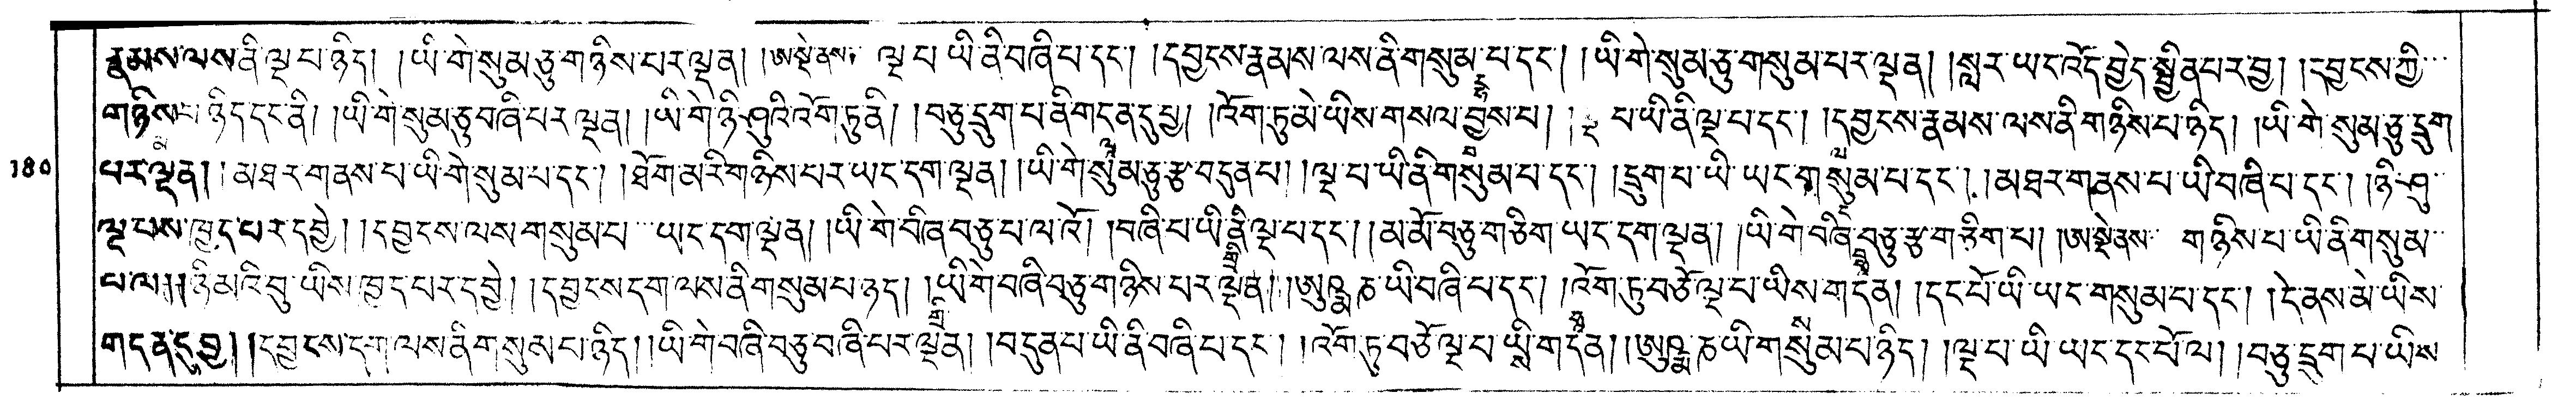རྣམས་ལས་ནི་ལྔ་པ་ཉིད། །ཡི་གེ་སུམ་ཅུ་གཉིས་པར་ལྡན། །ཨ་སྡེ་ནས༑ ལྔ་པ་ཡི་ནི་བཞི་པ་དང་། །དབྱངས་རྣམས་ལས་ནི་གསུམ་པ་དང་། །ཡི་གེ་སུམ་ཅུ་གསུམ་པར་ལྡན། །སླར་ཡང་འོད་བྱེད་སྦྱིན་པར་བྱ། །དབྱངས་ཀྱི་
གཉིས་པ་ཉིད་དང་ནི། །ཡི་གེ་སུམ་ཅུ་བཞི་པར་ལྡན། །ཡི་གེ་ཉི་ཤུའི་འོག་ཏུ་ནི། །བཅུ་དྲུག་པ་ནི་གདན་དུ་པྱ། །འོག་ཏུ་མེ་ཡིས་གསལ་བྱས་པ། །ལྔ་པ་ཡི་ནི་ལྔ་པ་དང་། །དབྱངས་རྣམས་ལས་ནི་གཉིས་པ་ཉིད། །ཡི་གེ་སུམ་ཅུ་དྲུག་
པར་ལྡན། །མཐར་གནས་པ་ཡི་གེ་སུམ་པ་དང་། །ཐོག་མ་རི་གཉིས་པར་ཡང་དག་ལྡན། །ཡི་གེ་སུམ་ཅུ་རྩ་བདུན་པ། །ལྔ་པ་ཡི་ནི་གསུམ་པ་དང་། །དྲུག་པ་ཡི་ཡང་གསུམ་པ་དང་། །མཐར་གནས་པ་ཡི་བཞི་པ་དང་། །ཉི་ཤུ་
ལྔ་པས་ཁྱད་པར་དབྱེ། །དབྱངས་ལས་གསུམ་པ་ཡང་དག་ལྡན། །ཡི་གེ་བཞི་བཅུ་པ་ལ་འོ། །བཞི་པ་ཡི་ནི་ལྔ་པ་དང་། །མ་མོ་བཅུ་གཅིག་ཡང་དག་ལྡན། །ཡི་གེ་བཞི་བཅུ་རྩ་གཅིག་པ། །ཨ་སྡེ་ནས༑ གཉིས་པ་ཡི་ནི་གསུམ་
པ་ལ། །ཉི་མའི་བུ་ཡིས་ཁྱད་པར་དབྱེ། །དབྱངས་དག་ལས་ནི་གསུམ་པ་ཉིད། །ཡི་གེ་བཞི་བཅུ་གཉིས་པར་ལྡན། །ཨུཥྨཎ་ཡི་བཞི་པ་དང་། །འོག་ཏུ་བཅོ་ལྔ་པ་ཡིས་གདན། །དང་པོ་ཡི་ཡང་གསུམ་པ་དང་། །དེ་ནས་མེ་ཡིས་
གདན་དུ་བྱ། །དབྱངས་དག་ལས་ནི་གསུམ་པ་ཉིད། །ཡི་གེ་བཞི་བཅུ་བཞི་པར་ལྡན། །བདུན་པ་ཡི་ནི་བཞི་པ་དང་། །འོག་ཏུ་བཅོ་ལྔ་པ་ཡིས་གདན། །ཨུཥྨ་ཎ་ཡི་གསུམ་པ་ཉིད། །ལྔ་པ་ཡི་ཡང་དང་པོ་ལ། །བཅུ་དྲུག་པ་ཡིས་